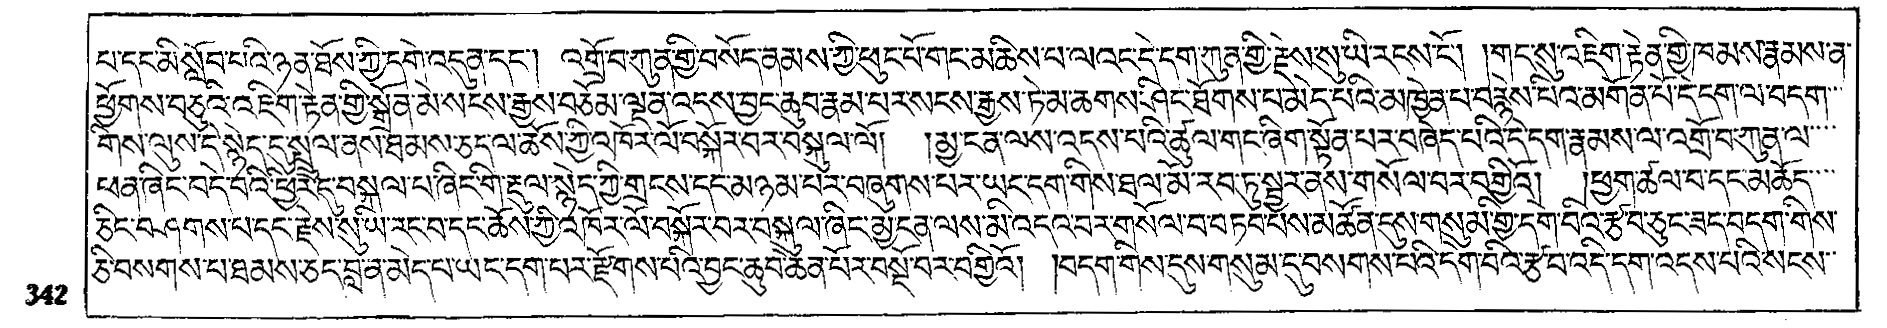པ་དང་མི་སློབ་པའི་ཉན་ཐོས་ཀྱི་དགེ་འདུན་དང་། འགྲོ་བ་ཀུན་གྱི་བསོད་ནམས་ཀྱི་ཕུང་པོ་གང་མཆིས་པ་ལའང་དེ་དག་ཀུན་གྱི་རྗེས་སུ་ཡི་རངས་ངོ། །གང་སུ་འཇིག་རྟེན་གྱི་ཁམས་རྣམས་ན་
ཕྱོགས་བཅུའི་འཇིག་རྟེན་གྱི་སྒྲོན་མེ་སངས་རྒྱས་བཅོམ་ལྡན་འདས་བྱང་ཆུབ་རྣམ་པར་སངས་རྒྱས་ཏེ་མ་ཆགས་ཤིང་ཐོགས་པ་མེད་པའི་མཁྱེན་པ་བརྙེས་པའི་མགོན་པོ་དེ་དག་ལ་བདག་
གིས་ལུས་དེ་སྙེད་དུ་སྤྲུལ་ནས་ཐམས་ཅད་ལ་ཆོས་ཀྱི་འཁོར་ལོ་བསྐོར་བར་བསྐུལ་ལོ། །མྱ་ངན་ལས་འདས་པའི་ཚུལ་གང་ཞིག་སྟོན་པར་བཞེད་པའི་དེ་དག་རྣམས་ལ་འགྲོ་བ་ཀུན་ལ་
ཕན་ཞིང་བདེ་བའི་ཕྱིར་དུ་བསྐལ་པ་ཞིང་གི་རྡུལ་སྙེད་ཀྱི་གྲངས་དང་མཉམ་པར་བཞུགས་པར་ཡང་དག་གིས་ཐལ་མོ་རབ་ཏུ་སྦྱར་ནས་གསོལ་བར་བགྱིའོ། །ཕྱག་ཚལ་བ་དང་མཆོད་
ཅིང་བཤགས་པ་དང་རྗེས་སུ་ཡི་རང་བ་དང་ཆོས་ཀྱི་འཁོར་ལོ་བསྐོར་བར་བསྐུལ་ཞིང་མྱ་ངན་ལས་མི་འདའ་བར་གསོལ་བ་བཏབ་པས་མཚོན་དུས་གསུམ་གྱི་དགེ་བའི་རྩ་བ་ཅུང་ཟད་བདག་གིས་
ཅི་བསགས་པ་ཐམས་ཅད་བླ་ན་མེད་པ་ཡང་དག་པར་རྫོགས་པའི་བྱང་ཆུབ་ཆེན་པོར་བསྔོ་བར་བགྱིའོ། །བདག་གིས་དུས་གསུམ་དུ་བསགས་པའི་དགེ་བའི་རྩ་བ་འདི་དག་འདས་པའི་སངས་